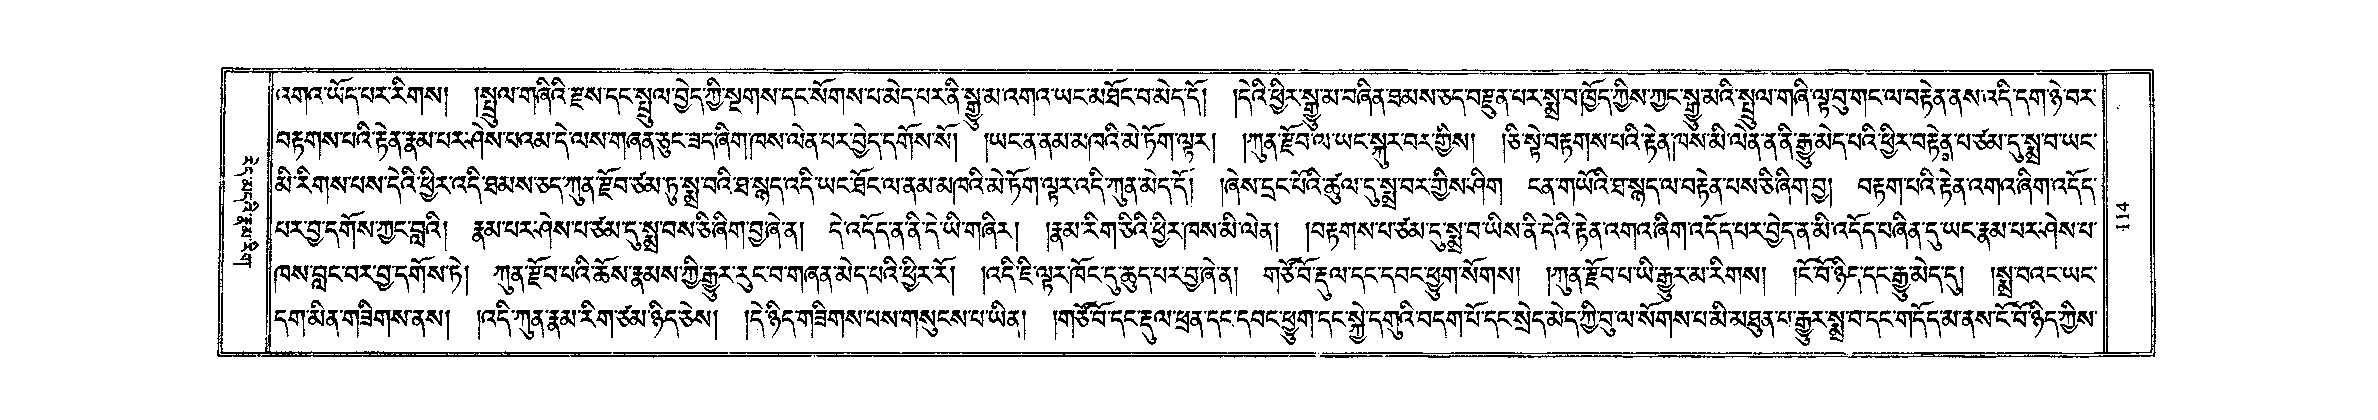འགའ་ཡོད་པར་རིགས། །སྤྲུལ་གཞིའི་རྫས་དང་སྤྲུལ་བྱེད་ཀྱི་སྔགས་དང་སོགས་པ་མེད་པར་ནི་སྒྱུ་མ་འགའ་ཡང་མཐོང་བ་མེད་དོ། །དེའི་ཕྱིར་སྒྱུ་མ་བཞིན་ཐམས་ཅད་བརྫུན་པར་སྨྲ་བ་ཁྱོད་ཀྱིས་ཀྱང་སྒྱུ་མའི་སྤྲུལ་གཞི་ལྟ་བུ་གང་ལ་བརྟེན་ནས་འདི་དག་ཉེ་བར་
བརྟགས་པའི་རྟེན་རྣམ་པར་ཤེས་པའམ་དེ་ལས་གཞན་ཅུང་ཟད་ཞིག་ཁས་ལེན་པར་བྱེད་དགོས་སོ། །ཡང་ན་ནམ་མཁའི་མེ་ཏོག་ལྟར། །ཀུན་རྫོབ་ལ་ཡང་སྐུར་བར་གྱིས། །ཅི་སྟེ་བརྟགས་པའི་རྟེན་ཁས་མི་ལེན་ན་ནི་རྒྱུ་མེད་པའི་ཕྱིར་བརྟེན་པ་ཙམ་དུ་སྨྲ་བ་ཡང་
མི་རིགས་པས་དེའི་ཕྱིར་འདི་ཐམས་ཅད་ཀུན་རྫོབ་ཙམ་ཏུ་སྨྲ་བའི་ཐ་སྙད་འདི་ཡང་ཐོང་ལ་ནམ་མཁའི་མེ་ཏོག་ལྟར་འདི་ཀུན་མེད་དོ། །ཞེས་དྲང་པོའི་ཚུལ་དུ་སྨྲ་བར་གྱིས་ཤིག་ངན་གཡོའི་ཐ་སྙད་ལ་བརྟེན་པས་ཅི་ཞིག་བྱ། བརྟག་པའི་རྟེན་འགའ་ཞིག་འདོད་
པར་བྱ་དགོས་ཀྱང་བླའི། རྣམ་པར་ཤེས་པ་ཙམ་དུ་སྨྲ་བས་ཅི་ཞིག་བྱ་ཞེ་ན། དེ་འདོད་ན་ནི་དེ་ཡི་གཞིར། །རྣམ་རིག་ཅིའི་ཕྱིར་ཁས་མི་ལེན། །བརྟགས་པ་ཙམ་དུ་སྨྲ་བ་ཡིས་ནི་དེའི་རྟེན་འགའ་ཞིག་འདོད་པར་བྱེད་ན་མི་འདོད་བཞིན་དུ་ཡང་རྣམ་པར་ཤེས་པ་
ཁས་བླང་བར་བྱ་དགོས་ཏེ། ཀུན་རྫོབ་པའི་ཆོས་རྣམས་ཀྱི་རྒྱུར་རུང་བ་གཞན་མེད་པའི་ཕྱིར་རོ། །འདི་ཇི་ལྟར་ཁོང་དུ་ཆུད་པར་བྱ་ཞེ་ན། གཙོ་བོ་རྡུལ་དང་དབང་ཕྱུག་སོགས། །ཀུན་རྫོབ་པ་ཡི་རྒྱུར་མ་རིགས། །ངོ་བོ་ཉིད་དང་རྒྱུ་མེད་དུ། །སྨྲ་བའང་ཡང་
དག་མིན་གཟིགས་ནས། །འདི་ཀུན་རྣམ་རིག་ཙམ་ཉིད་ཅེས། །དེ་ཉིད་གཟིགས་པས་གསུངས་པ་ཡིན། །གཙོ་བོ་དང་རྡུལ་ཕྲན་དང་དབང་ཕྱུག་དང་སྐྱེ་དགུའི་བདག་པོ་དང་སྲེད་མེད་ཀྱི་བུ་ལ་སོགས་པ་མི་མཐུན་པ་རྒྱུར་སྨྲ་བ་དང་གདོད་མ་ནས་ངོ་བོ་ཉིད་ཀྱིས་